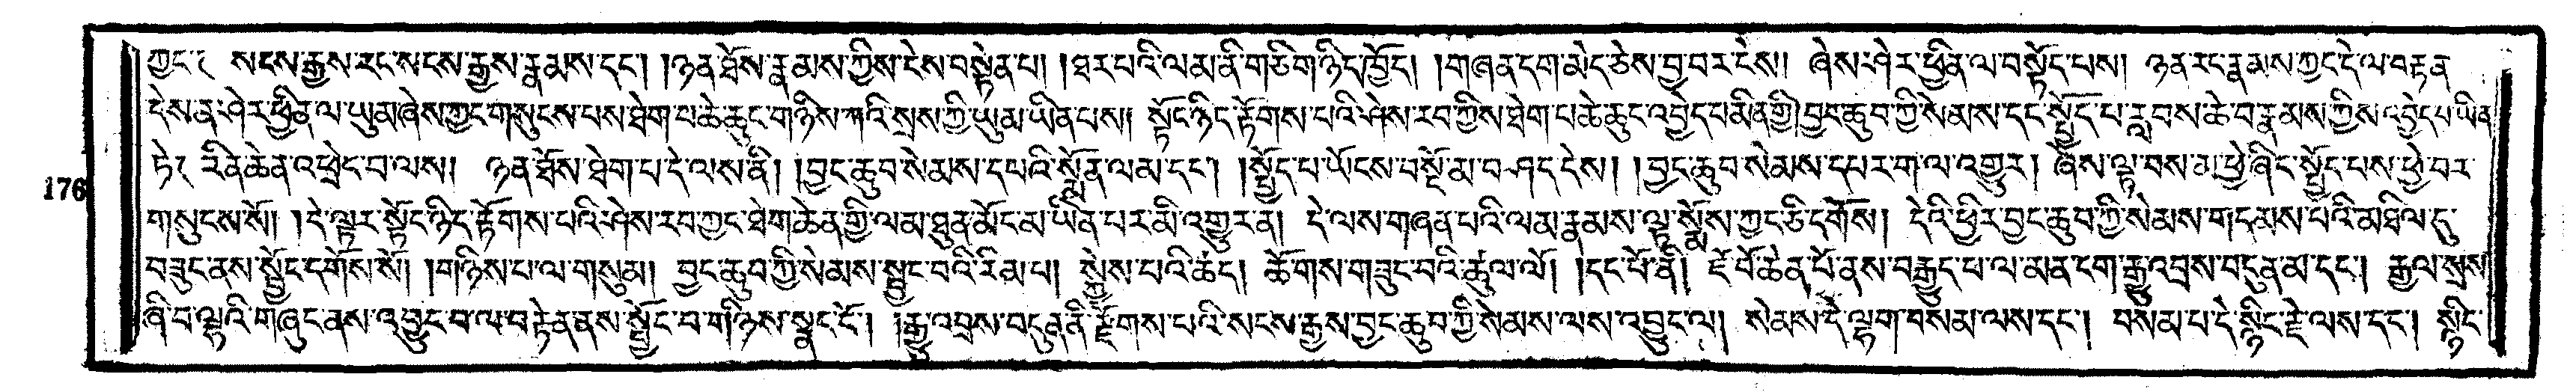ཀྱང་༑ སངས་རྒྱས་རང་སངས་རྒྱས་རྣམས་དང་། །ཉན་ཐོས་རྣམས་ཀྱིས་ངེས་བསྟེན་པ། །ཐར་པའི་ལམ་ནི་གཅིག་ཉིད་ཁྱོད། །གཞན་དག་མེད་ཅེས་བྱ་བར་ངེས། ཞེས་ཤེར་ཕྱིན་ལ་བསྟོད་པས། ཉན་རང་རྣམས་ཀྱང་དེ་ལ་བརྟན་
དེས་ན་ཤེར་ཕྱིན་ལ་ཡུམ་ཞེས་ཀྱང་གསུངས་པས་ཐེག་པ་ཆེ་ཆུང་གཉིས་ཀའི་སྲས་ཀྱི་ཡུམ་ཡིན་པས། སྟོང་ཉིད་རྟོགས་པའི་ཤེས་རབ་ཀྱིས་ཐེག་པ་ཆེ་ཆུང་འབྱེད་པ་མིན་གྱི། བྱང་ཆུབ་ཀྱི་སེམས་དང་སྤྱོད་པ་རླབས་ཆེ་བ་རྣམས་ཀྱིས་འབྱེད་པ་ཡིན་
ཏེ༑ རིན་ཆེན་འཕྲེང་བ་ལས། ཉན་ཐོས་ཐེག་པ་དེ་ལས་ནི། །བྱང་ཆུབ་སེམས་དཔའི་སྨོན་ལམ་དང་། །སྤྱོད་པ་ཡོངས་བསྔོ་མ་བཤད་དེས། །བྱང་ཆུབ་སེམས་དཔར་ག་ལ་འགྱུར། ཞེས་ལྟ་བས་མ་ཕྱེ་ཞིང་སྤྱོད་པས་ཕྱེ་བར་
གསུངས་སོ། །དེ་ལྟར་སྟོང་ཉིད་རྟོགས་པའི་ཤེས་རབ་ཀྱང་ཐེག་ཆེན་གྱི་ལམ་ཐུན་མོང་མ་ཡིན་པར་མི་འགྱུར་ན། དེ་ལས་གཞན་པའི་ལམ་རྣམས་ལྟ་སྨོས་ཀྱང་ཅི་དགོས། དེའི་ཕྱིར་བྱང་ཆུབ་ཀྱི་སེམས་གདམས་པའི་མཐིལ་དུ་
བཟུང་ནས་སྦྱོང་དགོས་སོ། །གཉིས་པ་ལ་གསུམ། བྱང་ཆུབ་ཀྱི་སེམས་སྦྱང་བའི་རིམ་པ། སྐྱེས་པའི་ཚད། ཆོ་གས་གཟུང་བའི་ཚུལ་ལོ། །དང་པོ་ནི། ཇོ་བོ་ཆེན་པོ་ནས་བརྒྱུད་པ་ལ་མན་ངག་རྒྱུ་འབྲས་བདུན་མ་དང་། རྒྱལ་སྲས་
ཞི་བ་ལྷའི་གཞུང་ནས་འབྱུང་བ་ལ་བརྟེན་ནས་སྦྱོང་བ་གཉིས་སྣང་ངོ། །རྒྱུ་འབྲས་བདུན་ནི་རྫོགས་པའི་སངས་རྒྱས་བྱང་ཆུབ་ཀྱི་སེམས་ལས་འབྱུང་ལ། སེམས་དེ་ལྷག་བསམ་ལས་དང་། བསམ་པ་དེ་སྙིང་རྗེ་ལས་དང་། སྙིང་